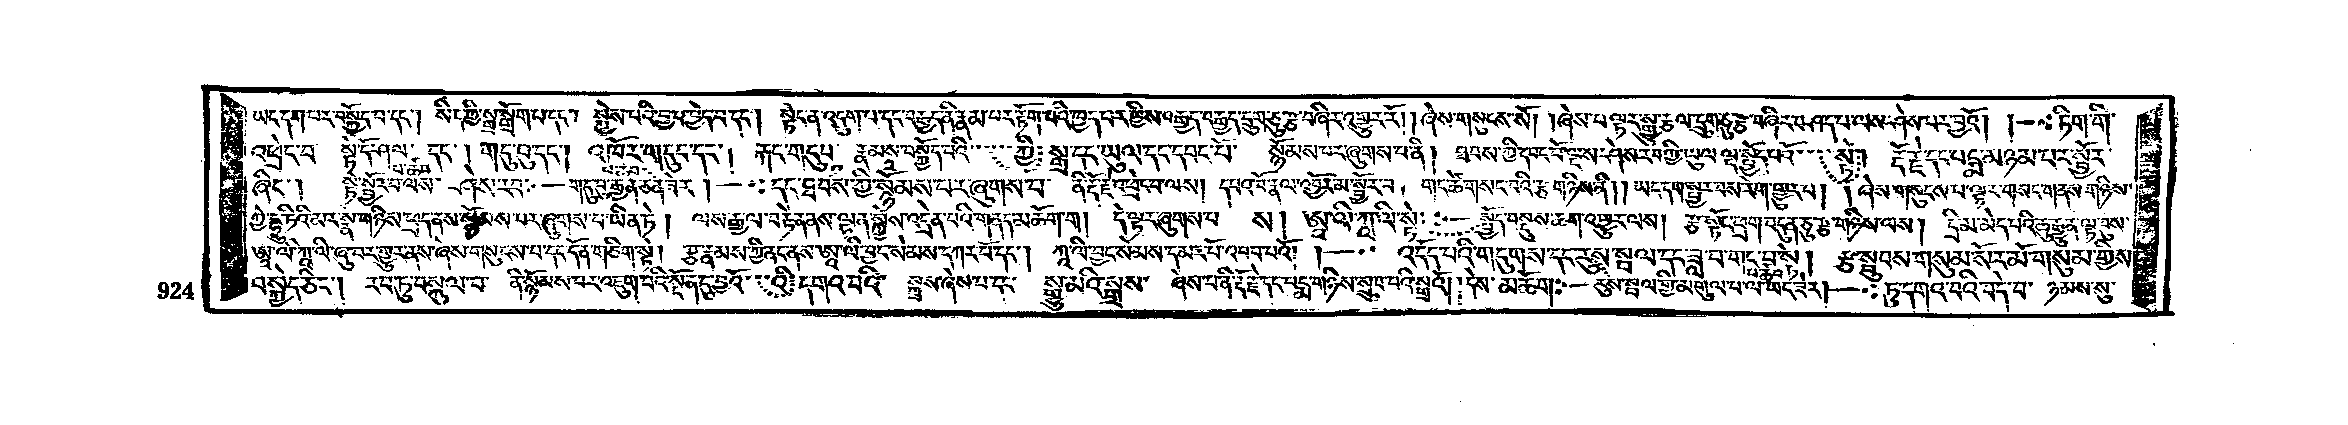ཡང་དག་པར་བསྐྱོད་པ་དང་། སྲིད་ཀྱི་སྒྲ་སྒྲོག་པ་དང་། སྐྱེས་པའི་བྱ་བ་བྱེད་པ་དང་། སྟེང་ན་འདུག་པ་དང་བརྒྱད་ནི་རྣམ་པར་རྟོག་པའི་ཁྱད་པར་གྱིས་བརྒྱད་བརྒྱད་དྲུག་ཅུ་རྩ་བཞིར་འགྱུར་རོ། །ཞེས་གསུངས་སོ། །ཞེས་པ་ལྟར་སྒྱུ་རྩལ་དྲུག་ཅུ་རྩ་བཞིར་བཤད་པ་ལས་ཤེས་པར་བྱའོ། ། .Hཏིག་གི་
འཕྲེང་བ་སྟེ་དོ་ཤལ་དང་།  གདུ་བུ་དང་། འཁོར་གདུབ་དང་། རྐང་གདུབ་རྣམས་བསྐྱོད་པའི་ཀྱི་སྒྲ་དང་ཡུལ་དང་དབང་པོ་སྙོམས་པར་ཞུགས་པ་ནི། ཐབས་ཀྱི་དབང་པོ་ལྔས་ཤེས་རབ་ཀྱི་ཡུལ་ལྔ་སྤྱོད་པའོ་སྟེ། རྡོ་རྗེ་དང་པདམ་མཉམ་པར་སྦྱོར་
ཞིང་། སྟེ་སྦྱོར་བ་པ་ཚབ་ལས་ཤེས་རབཿ་གདུ་བུ་པ་ཚབ་རྒྱན་ཅན་ཟེར།  དང་ཐབས་ཀྱི་སྙོམས་པར་ཞུགས་པ་ནི་རྡོ་རྗེ་འཕྲེང་བ་ལས། དཔའ་བོ་རྣལ་འབྱོར་མ་སྦྱོར་བ། གང་ཚེ་གསང་བའི་རྩ་གཉིས་ནི། །ཡང་དག་སྦྱར་བས་རེག་གྱུར་པ། །ཞེས་གསུངས་པ་ལྟར་གསང་གནས་གཉིས་
ཀྱེ་དྷཱུ་ཏིའི་མར་སྣ་གཉིས་ཕྲད་ནས་སྙོམས་པར་ཞུགས་པ་ཡིན་ཏེ། ལས་རྒྱ་ལ་བརྟེན་ནས་ལྷན་སྐྱེས་འདྲེན་པའི་གནད་མཆོག་གོ །དེ་ལྟར་ཞུགས་པས། ཨཱ་ལི་ཀཱ་ལི་སྟེཿ་སྤྱོད་བསྡུས་ཆག་འགྱུར་ལས། རྩ་སྟོང་ཕྲག་བདུན་ཅུ་རྩ་གཉིས་ལས། དྲི་མ་མེད་པའི་ཆུ་རྒྱུན་ལྟ་བུས་
ཨཱ་ལི་ཀཱ་ལི་ཞུ་བར་གྱུར་ནས་ཞེས་གསུངས་པ་དང་དོན་གཅིག་སྟེ། རྩ་རྣམས་ཀྱི་ནང་ནས་ཨཱ་ལི་བྱང་སེམས་དཀར་པོ་དང་། ཀཱ་ལི་བྱང་སེམས་དམར་པོ་འབབ་པའོ། ། .Hའདོད་པའི་གདུགས་དང་རུས་སྦལ་དང་ཟླ་བ་གང་བ་སྟེ། རྩ་སྦུབས་གསུམ་སོར་མོ་གསུམ་གྱིས་
བསྐྱེད་ཅིང་། རབ་ཏུ་བསྐུལ་བ་ནི་སྙོམས་པར་འཇུག་པའི་སྔོན་དུ་བྱའོ་འི་དགའ་བའི་སྒྲས་ཞེས་པ་དང་སྒྱུ་མའི་སྒྲས་ཞེས་པ་ནི་རྡོ་རྗེ་དང་པདམ་གཉིས་སྲུབ་པའི་སྒྲའོ། །དེས་མཆོགཿ་རུས་སྦལ་གྱི་མགུལ་པ་ལ་པ་ཚབ་ཡང་ཟེར།  .Hཏུ་དགའ་བའི་བདེ་བ་ཉམས་སུ་